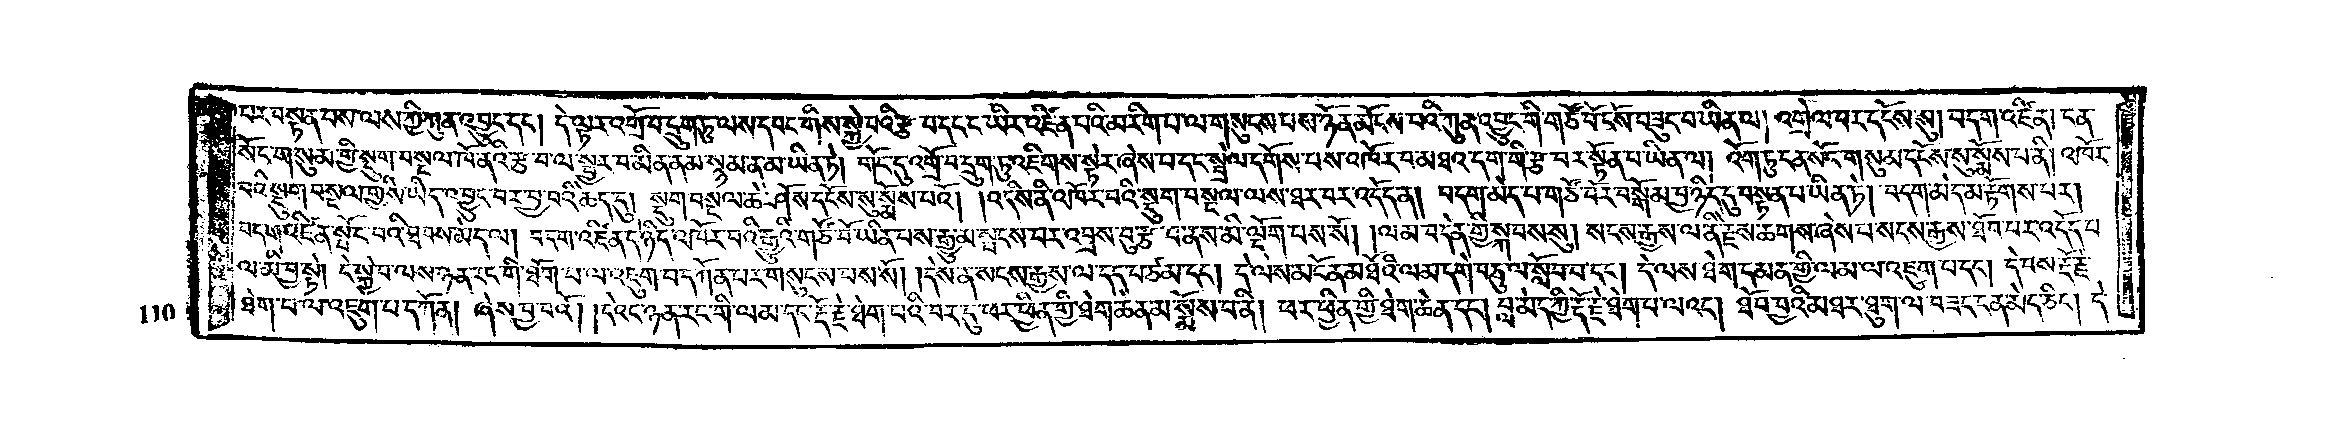པར་བསྟན་པས་ལས་ཀྱི་ཀུན་འབྱུང་དང་། དེ་ལྟར་འགྲོ་བ་དྲུག་ཏུ་ལས་དབང་གིས་སྐྱེ་བའི་རྩ་བ་དང་ང་ཡིར་འཛིན་པའི་མ་རིག་པ་ལ་གསུངས་པས་ཉོན་མོངས་པའི་ཀུན་འབྱུང་གི་གཙོ་བོ་ངོས་བཟུང་བ་ཡིན་ལ། འགྲེལ་བར་དངོས་སུ། བདག་འཛིན། ངན་
སོང་གསུམ་གྱི་སྡུག་བསྔལ་ཁོ་ནའི་རྩ་བ་ལ་སྦྱར་བ་མིན་ནམ་སྙམ་ན་མ་ཡིན་ཏེ། གོང་དུ་འགྲོ་བ་དྲུག་ཏུ་འཇིགས་སྟེར་ཞེས་པ་དང་སྦྲེལ་དགོས་པས་འཁོར་བ་མཐའ་དག་གི་རྩ་བར་སྟོན་པ་ཡིན་ལ། འོག་ཏུ་ངན་སོང་གསུམ་དངོས་སུ་སྨོས་པ་ནི། འཁོར་
བའི་སྡུག་བསྔལ་གྱིས་ཡིད་འབྱུང་བར་བྱ་བའི་ཆེད་དུ། སྡུག་བསྔལ་ཆེ་ཤོས་དངོས་སུ་སྨོས་པའོ། །འདིས་ནི་འཁོར་བའི་སྡུག་བསྔལ་ལས་ཐར་བར་འདོད་ན། བདག་མེད་པ་གཙོ་བོར་བསྒོམ་བྱ་ཉིད་དུ་བསྟན་པ་ཡིན་ཏེ། བདག་མེད་མ་རྟོགས་པར།
བདག་འཛིན་སྤོང་བའི་ཐབས་མེད་ལ། བདག་འཛིན་དེ་ཉིད་འཁོར་བའི་རྒྱུའི་གཙོ་བོ་ཡིན་པས་རྒྱུ་མ་སྤངས་བར་འབྲས་བུ་རྩ་བ་ནས་མི་ལྡོག་པས་སོ། །ལམ་བདེན་གྱི་སྐབས་སུ། སངས་རྒྱས་ལ་ནི་རྗེས་ཆགས་ཞེས་པ་སངས་རྒྱས་ཐོབ་པར་འདོད་པ་
ལ་མི་བྱ་སྟེ། དེ་སྐྱེ་བ་ལས་ཉན་རང་གི་ཐོག་པ་ལ་འཇུག་པ་དཀོན་པར་གསུངས་པས་སོ། །དེས་ན་སངས་རྒྱས་ལ་དད་པ་ཙམ་དང་། དེ་ལས་མངོན་མཐོའི་ལམ་དགེ་བཅུ་ལ་སློབ་པ་དང་། དེ་ལས་ཐེག་དམན་གྱི་ལམ་ལ་འཇུག་པ་དང་། དེ་བས་རྡོ་རྗེ་
ཐེག་པ་ལ་འཇུག་པ་དཀོན། ཞེས་བྱ་བའོ། །དེའང་ཉན་རང་གི་ལམ་དང་རྡོ་རྗེ་ཐེག་པའི་བར་དུ་ཕར་ཕྱིན་གྱི་ཐེག་ཆེན་མ་སྨོས་པ་ནི། ཕར་ཕྱིན་གྱི་ཐེག་ཆེན་དང་། བླ་མེད་ཀྱི་རྡོ་རྗེ་ཐེག་པ་ལའང་། ཐོབ་བྱའི་མཐར་ཐུག་ལ་བཟང་ངན་མེད་ཅིང་། དེ་